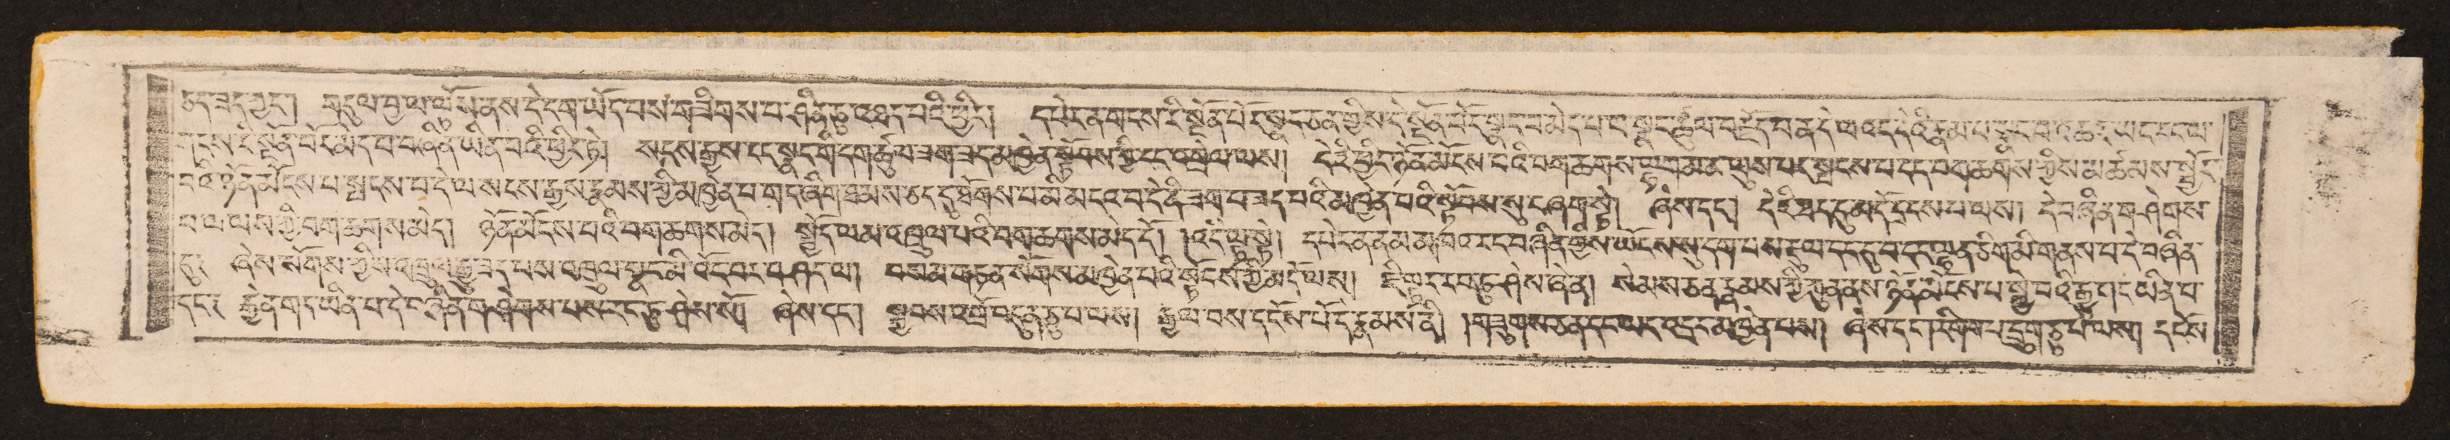ཅད་ཟད་ཀྱང་། གདུལ་བྱ་ལ་ལྟོས་ནས་དེ་དག་ཡོད་པས་གཟིགས་པ་ཤིན་ཏུ་འཐད་པའི་ཕྱིར། དཔེར་ན་གངས་རི་སྔོན་པོར་སྣང་ཅན་གྱིས་དེ་སྔོན་པོར་སྣང་བ་མེད་པ་ལ་སྣང་ཚུལ་བརྗོད་པ་ན་དེ་ལའང་དེའི་རྣམ་པ་སྣང་བ་འཆར་ཡང་ར་རལ་
གངས་རི་སྔོན་པོར་མེད་པ་བཞིན་ཡིན་པའི་ཕྱིར་ཏེ། སངས་རྒྱས་རང་སྣང་གི་དག་ཚུལ་ཟག་ཟད་མཁྱེན་སྟོབས་ཀྱི་རང་འགྲེལ་ལས། དེའི་ཕྱིར་ཉོན་མོངས་པའི་བག་ཆགས་ལྷག་མ་མ་ལུས་པར་སྤངས་པ་དད་བག་ཆགས་ཀྱིས་མཚམས་སྦྱོར་
བའི་ཉོན་མོངས་པ་སྤངས་པ་དེ་ལ་སངས་རྒྱས་རྣམས་ཀྱི་མཁྱེན་པ་གང་ཞིག་ཐམས་ཅད་དུ་ཐོགས་པ་མི་མངའ་བདེ་ནི་ཟག་པ་ཟད་པའི་མཁྱེན་པའི་སྟོབས་སུ་བཞག་སྟེ། ཞེས་དང་། དེའི་ཐད་དུ་མདོ་དྲངས་པ་ལས། དེ་བཞིན་གཤེགས་
པ་ལ་ལས་ཀྱི་བག་ཆགས་མེད། ཉོན་མོངས་པའི་བག་ཆགས་མེད། སྤྱོད་ལམ་འཁྲུལ་པའི་བག་ཆགས་མེད་དོ། །འདི་ལྟ་སྟེ། དཔེར་ན་ནམ་མཁའ་རང་བཞིན་གྱིས་ཡོངས་སུ་དག་པས་རྡུལ་དང་དུ་བ་དང་ལྷན་ཅིག་མི་གནས་པ་དེ་བཞིན་
དུ༑ ཞེས་སོགས་ཀྱིས་འཁྲུལ་རྒྱུ་ཟད་པས་འཁྲུལ་སྣང་མི་འོང་བར་བཤད་ལ། བསམ་གཏན་སོགས་མཁྱེན་པའི་སྟོབས་ཀྱི་མདོ་ལས། ཇི་ལྟར་རབ་ཏུ་ཤེས་ཞེ་ན། སེམས་ཅན་རྣམས་ཀྱི་ཀུན་ནས་ཉོན་མོངས་པ་སྐྱེ་བའི་རྒྱུ་གང་ཡིན་པ་
དང༑ རྐྱེན་གང་ཡིན་པ་དེ་བཞིན་གཤེགས་པས་རབ་ཏུ་ཤེས་སོ། ཞེས་དང་། སྐྱབས་འགྲོ་བདུན་ཅུ་པ་ལས། རྒྱལ་བས་དངོས་པོ་དེ་རྣམས་ནི། །གཟུགས་ཅན་དང་ཡང་འདྲར་མཁྱེན་པས། ཞེས་དང་། རིགས་པ་དྲུག་ཅུ་པ་ལས། དངོས་